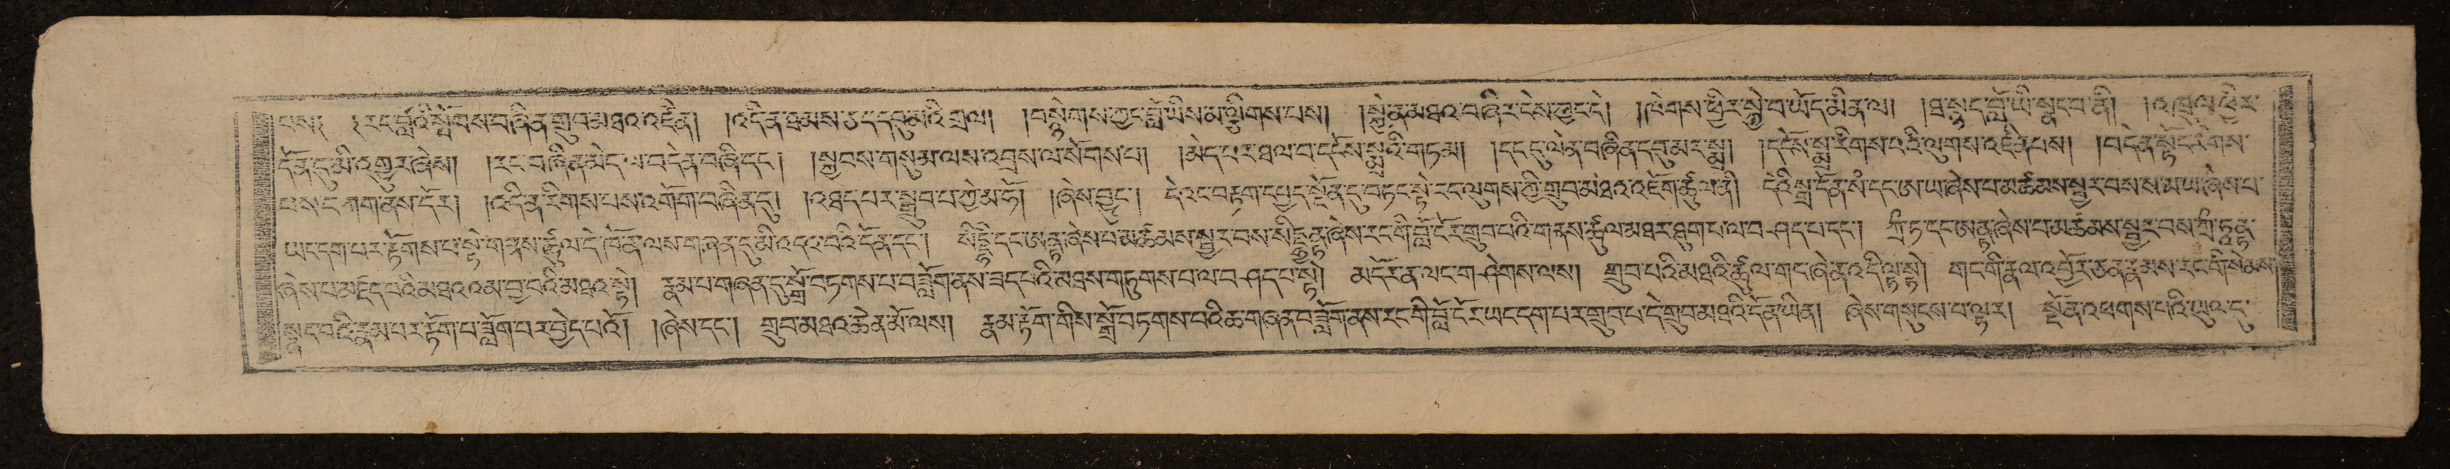པས༑ ༑རང་བློའི་སྤོངས་བཞིན་གྲུབ་མཐའ་འཛིན། །འདི་ན་ཐམས་ཅད་དབུ་མའི་གྲལ། །བསྙེགས་ཀྱང་བློ་ཡིས་མ་ལྕིགས་པས། །སྐྱེ་ན་མཐའ་བཞིར་ངེས་ཀྱང་དེ། །ཁེགས་ཕྱིར་སྐྱེ་བ་ཡོད་མིན་ལ། །ཐ་སྙད་བློ་ཡི་སྣང་བ་ནི། །འཁྲུལ་ཕྱིར་
དོན་དུ་མི་འགྱུར་ཞེས། །རང་བཞིན་མེད་ལ་བདེན་བཞི་དང་། །སྐྱབས་གསུམ་ལས་འབྲས་ལ་སོགས་པ། །མེད་པར་ཐལ་བ་དངོས་སྨྲའི་གཏམ། །དང་དུ་ལེན་བཞིན་དབུ་མར་སྨྲ། །དངོས་སྨྲ་རིགས་པའི་ལུགས་འཛིན་བས། །བདེན་སྟོང་རིགས་
པས་བཀག་ནས་དོར། །འདི་ན་རིགས་པས་འགོག་བཞིན་དུ། །འཐད་པར་སྒྲུབ་པ་ཀྱེ་མ་ཧོ། །ཞེས་བྱུང་། དེའང་བརྟག་དཔྱད་སྔོན་དུ་བཏང་སྟེ་རང་ལུགས་ཀྱི་གྲུབ་མཐའ་འཇོག་ཚུལ་ནི། དེའི་སྒྲ་དོན་སཾ་དང་ཨ་ལ་ཞེས་པ་མཚམས་སྦྱར་བས་སམ་ཡ་ཞེས་པ་
ཡང་དག་པར་རྟོགས་པ་སྟེ་གནས་ཚུལ་དེ་ཁོ་ན་ལས་གཞན་དུ་མི་འདའ་བའི་དོན་དང་། སིདྡྷི་དང་ཨནྟ་ཞེས་པ་མཚམས་སྦྱར་བས་སིདྡྷྱནྟ་ཞེས་རང་གི་བློ་ངོར་གྲུབ་པའི་གནས་ཚུལ་མཐར་ཐུག་པ་ལ་བཤད་པ་དང་། ཀྲྀཏ་དང་ཨནྟ་ཞེས་བ་མཚམས་སྦྱར་བས་ཀྲྀཏ་ན་
ཞེས་བ་མཛད་པའི་མཐའ་འམ་བྱ་བའི་མཐའ་སྟེ། རྣམ་བ་གཞན་དུ་སྒྲོ་བཏགས་པ་བཟློག་ནས་ཟད་པའི་མཐས་གཏུགས་པ་ལ་བཤད་པ་སྟེ། མདོར་ན་ལང་གཤེགས་ལས། གྲུབ་པའི་མཐའ་ཚུལ་གང་ཞེ་ན་འདི་ལྟ་སྟེ། གང་གི་རྣལ་འབྱོར་ཅན་རྣམས་རང་གི་སེམས་
སྣང་བའi rnam par rtog pa zlog par byed pa'o/_/zhes dang/_grub mtha' chen mo las/_rnam rtog gis sgro btags pa'i cha gzhan_3bzlog nas rang gi blo ngor yang dag par grub pa de grub mtha'i don yin/_zhes gsungs pa ltar/_sngon 'phags pa'i yul du [